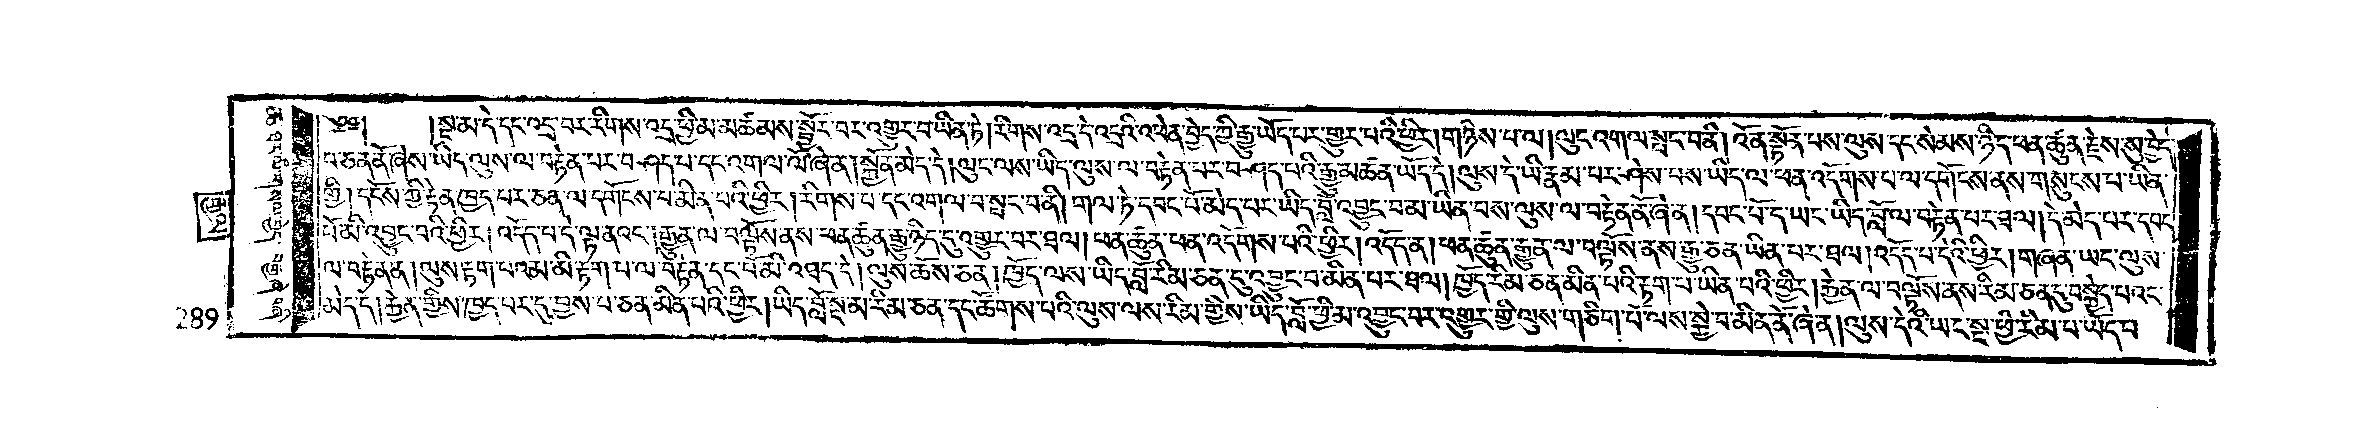༄༅། །སྔ་མ་དེ་དང་འདྲ་བར་རིགས་འདྲ་ཕྱི་མ་མཚམས་སྦྱོར་བར་འགྱུར་བ་ཡིན་ཏེ། རིགས་འདྲ་དེ་འདྲའི་འཕེན་བྱེད་ཀྱི་རྒྱུ་ཡོད་པར་གྱུར་པའི་ཕྱིར། གཉིས་པ་ལ། ལུང་འགལ་སྤང་བ་ནི། འོ་ན་སྟོན་པས་ལུས་དང་སེམས་ཉིད་ཕན་ཚུན་རྗེས་སུ་བྱེད་
པ་ཅན་ནོ་ཞེས་ཡིད་ལུས་ལ་བརྟེན་པར་བཤད་པ་དང་འགལ་ལོ་ཞེ་ན། སྐྱོན་མེད་དེ། ལུང་ལས་ཡིད་ལུས་ལ་བརྟེན་པར་བཤད་པའི་རྒྱུ་མཚན་ཡོད་དེ། ལུས་དེ་ཡི་རྣམ་པར་ཤེས་པས་ཡིད་ལ་ཕན་འདོགས་པ་ལ་དགོངས་ནས་གསུངས་པ་ཡིན་
གྱི། དངོས་ཀྱི་རྟེན་ཁྱད་པར་ཅན་ལ་དགོངས་པ་མིན་པའི་ཕྱིར། རིགས་པ་དང་འགལ་བ་སྤང་བ་ནི། གལ་ཏེ་དབང་པོ་མེད་པར་ཡིད་བློ་འབྱུང་བ་མ་ཡིན་པས་ལུས་ལ་བརྟེན་ནོ་ཞེ་ན། དབང་པོ་དེ་ཡང་ཡིད་བློ་ལ་བརྟེན་པར་ཐལ། དེ་མེད་པར་དབང་
པོ་མི་འབྱུང་བའི་ཕྱིར། འདོད་པ་དེ་ལྟ་ནའང་། རྒྱུན་ལ་བལྟོས་ནས་ཕན་ཚུན་རྒྱུ་ཉིད་དུ་འགྱུར་བར་ཐལ། ཕན་ཚུན་ཕན་འདོགས་པའི་ཕྱིར། འདོད་ན། ཕན་ཚུན་རྒྱུན་ལ་བལྟོས་ནས་རྒྱུ་ཅན་ཡིན་པར་ཐལ། འདོད་པ་དེའི་ཕྱིར། གཞན་ཡང་ལུས་
ལ་བརྟེན་ན། ལུས་རྟག་པའམ་མི་རྟག་པ་ལ་བརྟེན་དང་པོ་མི་འཐད་དེ། ལུས་ཆོས་ཅན། ཁྱོད་ལས་ཡིད་བློ་རིམ་ཅན་དུ་འབྱུང་བ་མིན་པར་ཐལ། ཁྱོད་རིམ་ཅན་མིན་པའི་རྟག་པ་ཡིན་པའི་ཕྱིར། རྐྱེན་ལ་བལྟོས་ནས་རིམ་ཅན་དུ་བསྐྱེད་པའང་
མེད་དེ། རྐྱེན་གྱིས་ཁྱད་པར་དུ་བྱས་པ་ཅན་མིན་པའི་ཕྱིར། ཡིད་བློ་སྔ་མ་རིམ་ཅན་དང་ཚོགས་པའི་ལུས་ལས་རིམ་གྱིས་ཡིད་བློ་ཕྱི་མ་འབྱུང་བར་འགྱུར་གྱི་ལུས་གཅིག་པོ་ལས་སྐྱེ་བ་མིན་ནོ་ཞེ་ན། ལུས་དེའི་ཡང་སྔ་ཕྱི་རིམ་པ་ཡོད་པ་